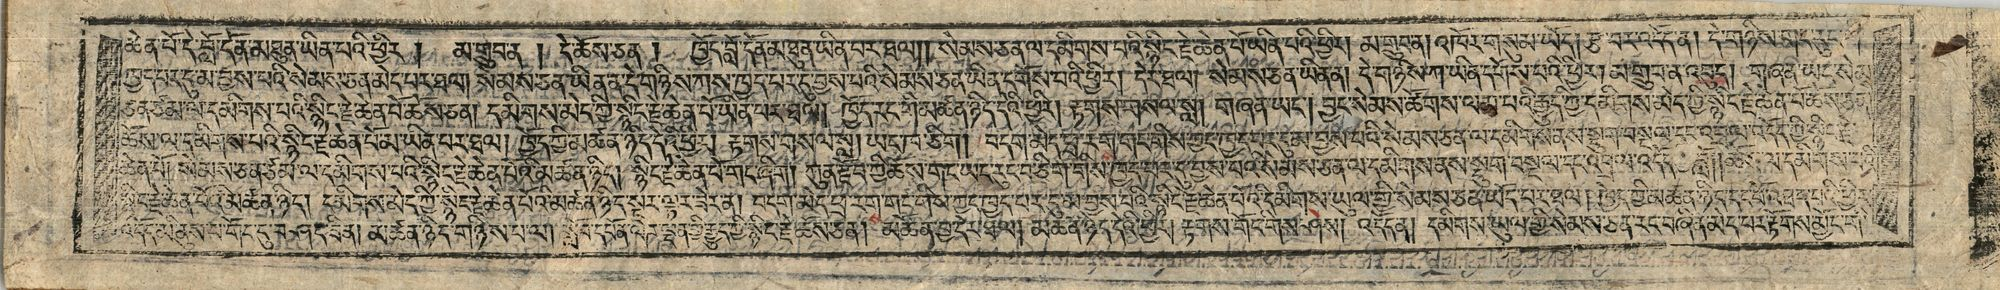ཆེན་པོ་དེ་བློ་དོན་མཐུན་ཡིན་པའི་ཕྱིར། མ་གྲུབ་ན། དེ་ཆོས་ཅན། ཁྱོད་བློ་དོན་མཐུན་ཡིན་པར་ཐལ། །སེམས་ཅན་ལ་དམིགས་པའི་སྙིང་རྗེ་ཆེན་པོ་ཡིན་པའི་ཕྱིར། མ་གྲུབ་ན། འཁོར་གསུམ་ཡོད། རྩ་བར་འདོད་ན། དེ་གཉིས་གང་རུང་གི་
ཁྱད་པར་དུ་མ་བྱས་པའི་སེམས་ཅན་མེད་པར་ཐལ། སེམས་ཅན་ཡིན་ན་དེ་གཉིས་ཀས་ཁྱད་པར་དུ་བྱས་པའི་སེམས་ཅན་ཡིན་དགོས་པའི་ཕྱིར། དེར་ཐལ། སེམས་ཅན་ཡིན་ན། དེ་གཉིས་ཀ་ཡིན་དགོས་པའི་ཕྱིར། མ་གྲུབ་ན་འབུད། གཞན་ཡང་སེམས་
ཅན་ཙམ་ལ་དམིགས་པའི་སྙིང་རྗེ་ཆེན་པོ་ཆོས་ཅན། དམིགས་མེད་ཀྱི་སྙིང་རྗེ་ཆེན་པོ་ཡིན་པར་ཐལ། ཁྱོད་རང་གི་མཚན་ཉིད་དེའི་ཕྱིར། རྟགས་གསལ་སླ། གཞན་ཡང་། བྱང་སེམས་ཚོགས་ལམ་བའི་རྒྱུད་ཀྱི་དམིགས་མེད་ཀྱི་སྙིང་རྗེ་ཆེན་པོ་ཆོས་ཅན་
ཆོས་ལ་དམིགས་པའི་སྙིང་རྗེ་ཆེན་པོ་མ་ཡིན་པར་ཐལ། ཁྱོད་ཀྱི་མཚན་ཉིད་དེའི་ཕྱིར། རྟགས་གསལ་སླ། ཡང་ཁ་ཅིག །བདག་མེད་ཕྲ་རགས་གང་གིས་ཀྱང་ཁྱད་པར་དུ་མ་བྱས་པའི་སེམས་ཅན་ལ་དམིགས་ནས་སྡུག་བསྔལ་དང་འབྲལ་འདོད་ཀྱི་སྙིང་རྗེ་
ཆེན་པོ། སེམས་ཅན་ཙམ་ལ་དམིགས་པའི་སྙིང་རྗེ་ཆེན་པོའི་མཚན་ཉིད། སྙིང་རྗེ་ཆེན་པོ་གང་ཞིག །ཀུན་རྫོབ་ཀྱི་ཆོས་གང་ཡང་རུང་བ་ཅིག་གིས་ཁྱད་པར་དུ་བྱས་པའི་སེམས་ཅན་ལ་དམིགས་ནས་སྡུག་བསྔལ་དང་འབྲལ་འདོད་ཀྱི་བློ། །ཆོས་ལ་དམིགས་པའི་
སྙིང་རྗེ་ཆེན་པོའི་མཚན་ཉིད། དམིགས་མེད་ཀྱི་སྙིང་རྗེ་ཆེན་པོའི་མཚན་ཉིད་སྔར་ལྟར་ཟེར་ན། བདག་མེད་ཕྲ་རགས་གང་གིས་ཀྱང་ཁྱད་པར་དུ་མ་བྱས་པའི་སྙིང་རྗེ་ཆེན་པོའི་དམིགས་ཡུལ་གྱི་སེམས་ཅན་ཡོད་པར་ཐལ། ཁྱོད་ཀྱི་མཚན་ཉིད་དང་པོ་འཐད་པའི་ཕྱིར་
འདོད་མི་ནུས་པ་གོང་དུ་བཤད་ཟིན། མཚན་ཉིད་གཉིས་པ་ལ། སློབ་དཔོན་ལེགས་ལྡན་གྱི་རྒྱུད་ཀྱི་སྙིང་རྗེ་ཆོས་ཅན། མཚོན་བྱ་དེར་ཐལ། མཚན་ཉེདྡེའི་ཕྱིར། རྟགས་གོང་གིས་ཤེས། འདོད་ན། དམིགས་ཡུལ་གྱི་སེམས་ཅན་རང་བཞིན་མེད་པར་རྟོགས་མྱོང་གི་